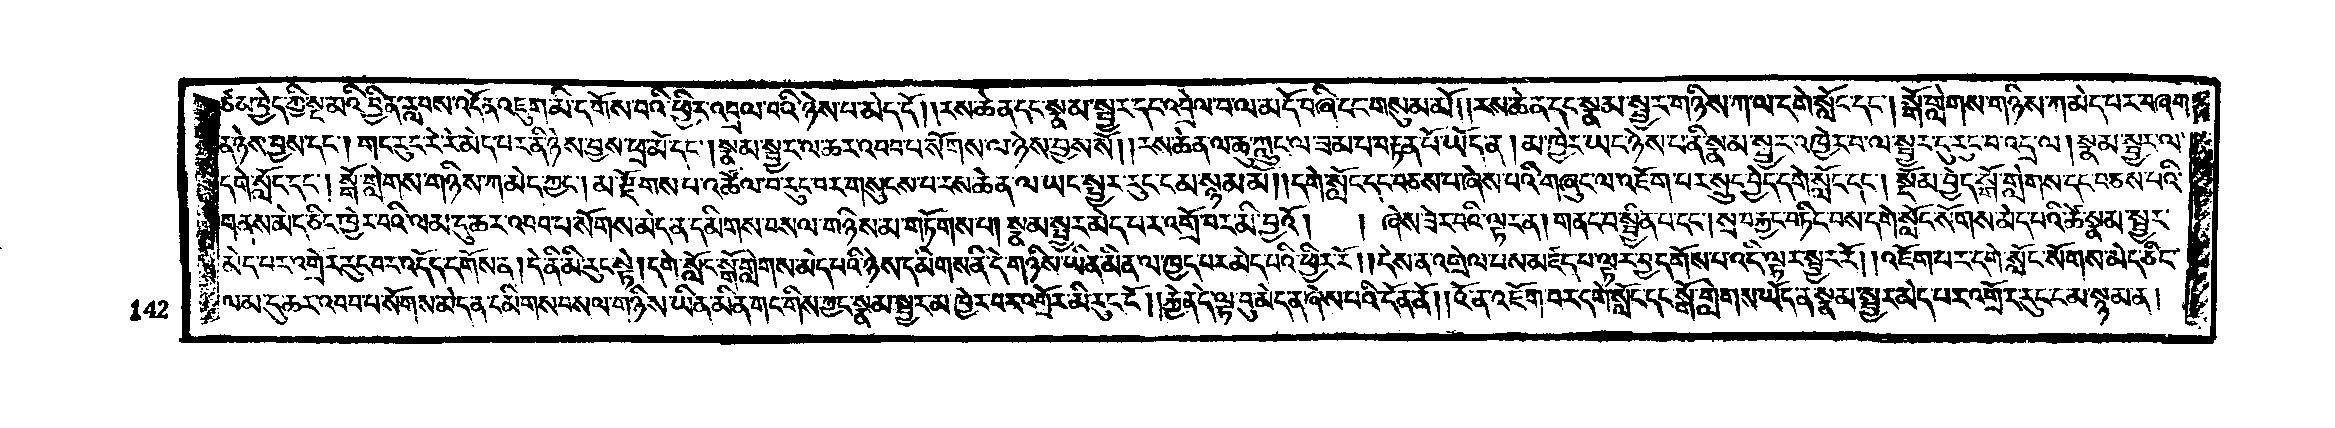ཙམ་བྱེད་ཀྱི་སྔ་མའི་བྱིན་རླབས་འདོན་འཇུག་མི་དགོས་པའི་ཕྱིར་འབྲལ་བའི་ཉེས་པ་མེད་དོ། །རས་ཆེན་དང་སྣམ་སྦྱར་དང་འབྲེལ་བ་ལ་མདོ་བཞི་དང་གསུམ་མོ། །རས་ཆེན་དང་སྣམ་སྦྱར་གཉིས་ཀ་ལ་དགེ་སློང་དང་། སྒོ་གླེགས་གཉིས་ཀ་མེད་པར་བཞག་
ན་ཉེས་བྱས་དང་། གང་རུང་རེ་རེ་མེད་པར་ནི་ཉེས་བྱས་ཕྲ་མོ་དང་། སྣམ་སྦྱར་ལ་ཆར་འབབ་པ་སོགས་ལ་ཉེས་བྱས་སོ། །རས་ཆེན་ལ་ཆུ་ཀླུང་ལ་ཟམ་པ་བརྟན་པོ་ཡོད་ན། མ་ཁྱེར་ཡང་ཉེས་པ་ནི་སྣམ་སྦྱར་འཁྱེར་བ་ལ་སྦྱར་དུ་རུང་བ་འདྲ་ལ། སྣམ་སྦྱར་ལ་
དགེ་སློང་དང་། སྒོ་གླེགས་གཉིས་ཀ་མེད་ཀྱང་། མ་རྫོགས་པ་འཚོལ་བ་རུང་བར་གསུངས་པ་རས་ཆེན་ལ་ཡང་སྤྱར་རུང་ངམ་སྙམ་མོ། །དགེ་སློང་དང་བཅས་པ་ཞེས་པའི་གཞུང་ལ་འཇོག་པར་སྲུང་བྱེད་དགེ་སློང་དང་། སྡོམ་བྱེད་སྒོ་གླེགས་དང་བཅས་པའི་
གནས་མེད་ཅིང་ཁྱེར་བའི་ལམ་དུ་ཆར་འབབ་པ་སོགས་མེད་ན་དམིགས་བསལ་གཉིས་མ་གཏོགས་པ། སྣམ་སྦྱར་མེད་པར་འགྲོ་བར་མི་བྱའོ། །ཞེས་ཟེར་བའི་ལྟར་ན། གནང་བ་སྦྱིན་པ་དང་། སྲ་བརྐྱང་བཏིང་བས་དགེ་སློང་སོགས་མེད་པའི་ཚེ་སྣམ་སྦྱར་
མེད་པར་འགྲོར་རུང་བར་འདོད་དགོས་ན། དེ་ནི་མི་རུང་སྟེ། དགེ་སློང་སྒོ་གླེགས་མེད་པའི་ཉེས་དམིགས་ནི་དེ་གཉིས་ཡིན་མིན་ལ་ཁྱད་པར་མེད་པའི་ཕྱིར་རོ། །དེས་ན་འགྲེལ་པས་མཛད་པ་ལྟར་བྱ་དགོས་པ་འདི་ལྟར་སྦྱར་རོ། །འཇོག་པར་དགེ་སློང་སོགས་མེད་ཅིང་
ལམ་དུ་ཆར་འབབ་པ་སོགས་མེད་ན་དམིགས་བསལ་གཉིས་ཡིན་མིན་གང་གིས་ཀྱང་སྣམ་སྦྱར་མ་ཁྱེར་བར་འགྲོར་མི་རུང་ངོ། །རྐྱེན་དེ་ལྟ་བུ་མེད་ན་ཞེས་པའི་དོན་ནོ། །འོ་ན་འཇོག་པར་དགེ་སློང་དང་སྒོ་གླེགས་ཡོད་ན་སྣམ་སྦྱར་མེད་པར་འགྲོར་རུང་ངམ་སྙམ་ན།